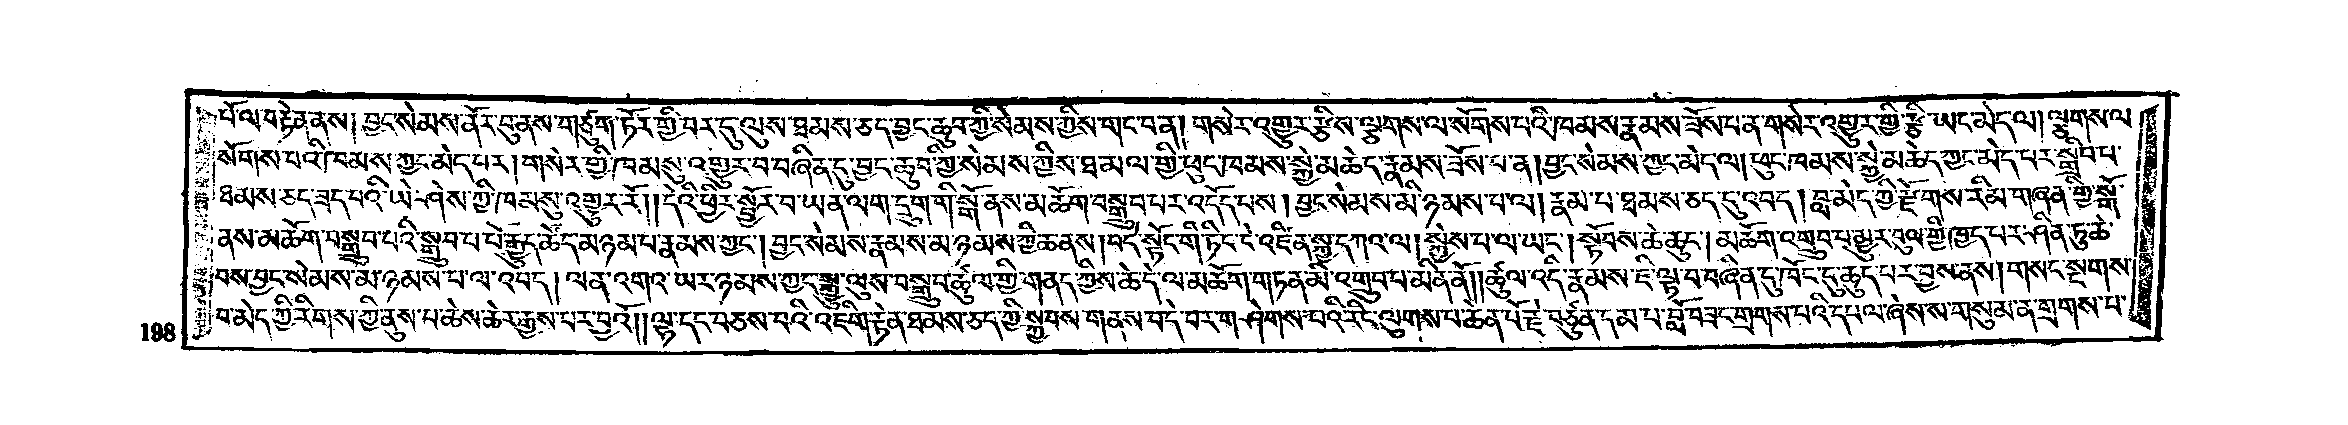པོ་ལ་བརྟེན་ནས། བྱང་སེམས་ནོར་བུ་ནས་གཙུག་ཏོར་གྱི་བར་དུ་ལུས་ཐམས་ཅད་བྱང་ཆུབ་ཀྱི་སེམས་ཀྱིས་གང་བ་ན། གསེར་འགྱུར་རྩིས་ལྕགས་ལ་སོགས་པའི་ཁམས་རྣམས་ཟོས་པ་ན་གསེར་འགྱུར་གྱི་རྩི་ཡང་མེད་ལ། ལྕགས་ལ་
སོགས་པའི་ཁམས་ཀྱང་མེད་པར། གསེར་གྱི་ཁམས་སུ་འགྱུར་བ་བཞིན་དུ་བྱང་ཆུབ་ཀྱི་སེམས་ཀྱིས་ཐ་མལ་གྱི་ཕུང་ཁམས་སྐྱེ་མཆེད་རྣམས་ཟོས་པ་ན། བྱང་སེམས་ཀྱང་མེད་ལ། ཕུང་ཁམས་སྐྱེ་མཆེད་ཀྱང་མེད་པར་སྒྲིབ་པ་
ཐམས་ཅད་ཟད་པའི་ཡེ་ཤེས་ཀྱི་ཁམས་སུ་འགྱུར་རོ། །དེའི་ཕྱིར་སྦྱོར་བ་ཡན་ལག་དྲུག་གི་སྒོ་ནས་མཆོག་བསྒྲུབ་པར་འདོད་པས། བྱང་སེམས་མི་ཉམས་པ་ལ། རྣམ་པ་ཐམས་ཅད་དུ་འབད། བླ་མེད་ཀྱི་རྫོགས་རིམ་གཞན་གྱི་སྒོ་
ནས་མཆོག་བསྒྲུབ་པའི་སྒྲུབ་པ་པོ་རྒྱུད་ཚོད་མཉམ་པ་རྣམས་ཀྱང་། བྱང་སེམས་རྣམས་མ་ཉམས་ཀྱི་ཆ་ནས། བདེ་སྟོང་གི་ཏིང་ངེ་འཛིན་སྐྱ་དཀའ་ལ། སྐྱེས་པ་ལ་ཡང་། སྟོབས་ཆེ་ཆུང་། མཆོག་འགྲུབ་པ་མྱུར་བུལ་གྱི་ཁྱད་པར་ཤིན་ཏུ་ཆེ་
བས་བྱང་སེམས་མ་ཉམས་པ་ལ་འབད། ལན་འགའ་ཡར་ཉམས་ཀྱང་སྒྱུ་ལུས་བསྒྲུབ་ཚུལ་གྱི་གནད་ཀྱིས་ཆེ་དེ་ལ་མཆོག་གཏན་མི་འགྲུབ་པ་མིན་ནོ། །ཚུལ་འདི་རྣམས་ཇི་ལྟ་བ་བཞིན་དུ་ཁོང་དུ་ཆུད་པར་བྱས་ནས། གསང་སྔགས་
བླ་མེད་ཀྱི་རིགས་ཀྱི་ནུས་པ་ཆེས་ཆེར་རྒྱས་པར་བྱའོ། །ལྷ་དང་བཅས་པའི་འཇིག་རྟེན་ཐམས་ཅད་ཀྱི་སྐྱབས་གནས་བདེ་བར་གཤེགས་པའི་རིང་ལུགས་པ་ཆེན་པོ་རྗེ་བཙུན་དམ་པ་བློ་བཟང་གྲགས་པའི་དཔལ་ཞེས་ས་གསུམ་ན་གྲགས་པ་